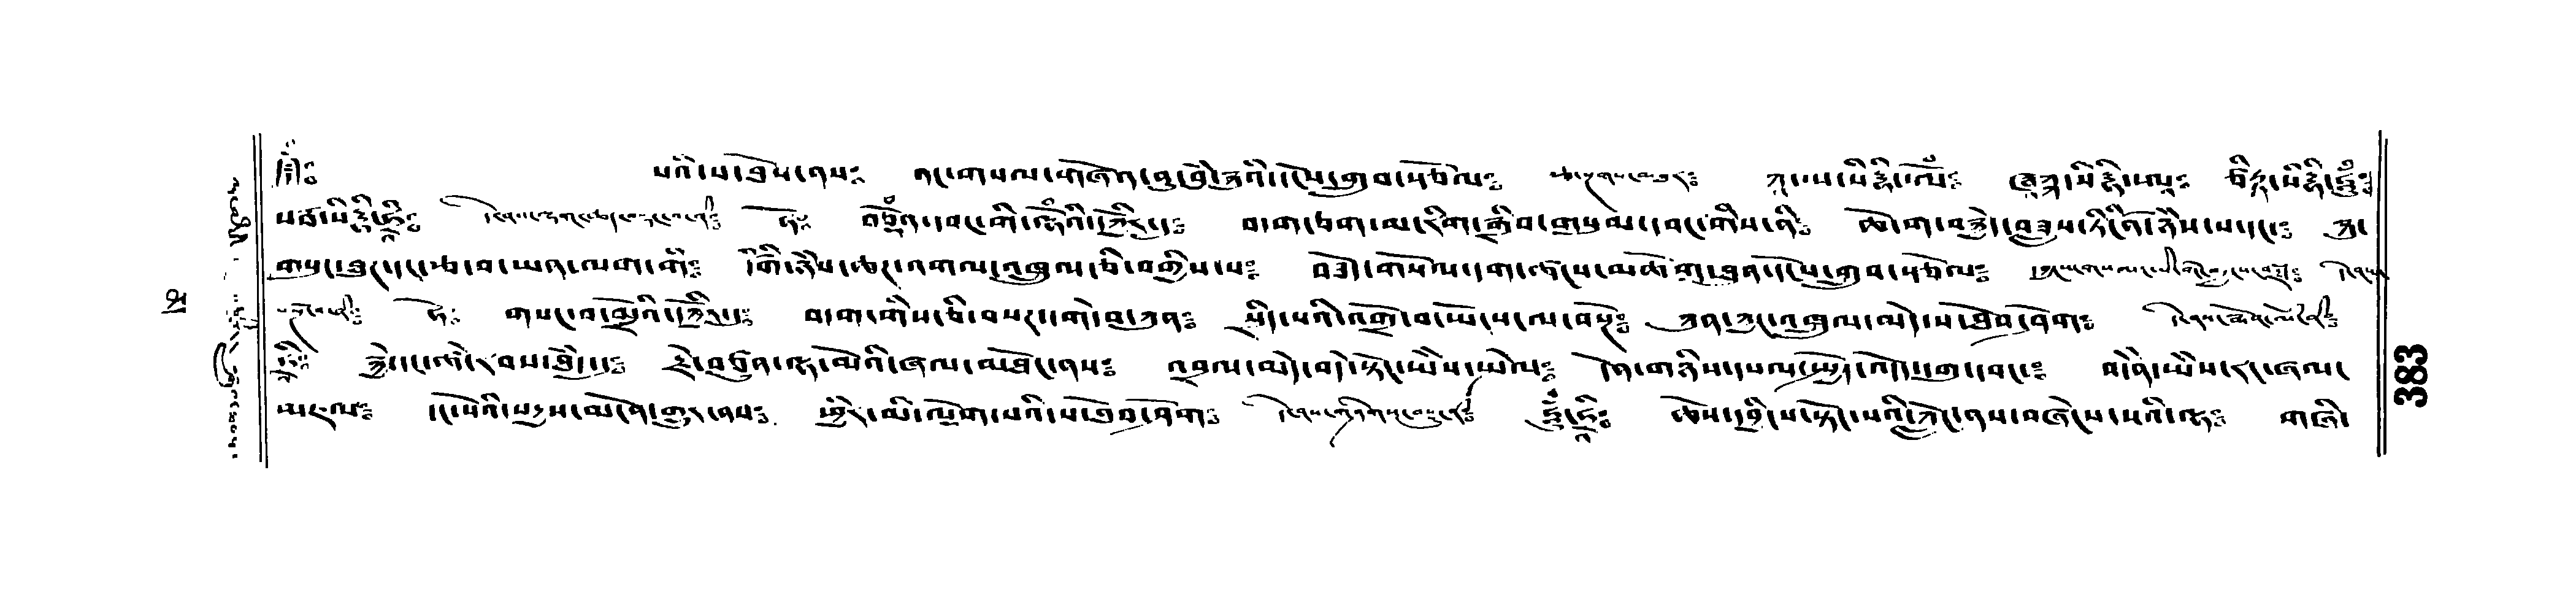པའི་ས་ཐོབ་ནས༔ ནང་གསལ་གཞོན་ནུ་བུམ་སྐུའི་དངོས་གྲུབ་སྩོལ༔ རྩ་སྔགས་མཐར༔ ཀཱ་ཡ་སིདྡྷི་ཨོཾ༔ ཝཱཀྐ་སིདྡྷི་ཨཱཿ ཙིཏྟ་སིདྡྷི་ཧཱུྃ༔ 
སརྦ་སིདྡྷི་ཧྲཱིཿ དེ་ནས་ལྷག་ཆད་བསྐང་བ་ནི༔ ཧོཿ བཅོམ་ལྡན་དབང་གི་ལྷ་མོའི་དཀྱིལ་འཁོར་དུ༔ བདག་ཅག་མ་རིག་སྒྲིབ་གསུམ་དབང་གིས་ནི༔ ཆོ་ག་བསྐྱེད་བཟླས་ཏིང་འཛིན་ཉམས་པ་དང༔ སྐུ་
གསུང་ཐུགས་དང་རྩ་བ་ཡན་ལག་གི༔ དམ་ཚིག་ཉམས་ཆགས་འགལ་འཁྲུལ་ཅི་བགྱིས་པ༔ བཟོད་གསོལ་དག་ཚངས་མཆོག་ཐུན་དངོས་གྲུབ་སྩོལ༔ དབྱངས་གསལ་ཡི་གེ་བརྒྱ་པ་བརྗོད༔ དེ་ནས་
བསྔོ་བ་ནི༔ ཧོཿ གསང་བ་མཁའ་འགྲོའི་དཀྱིལ་འཁོར་དུ༔ བདག་གིས་ཅི་བསགས་དགེ་བ་ཀུན༔ སྲིད་པའི་འགྲོ་བ་ཡོངས་ལ་བསྔོ༔ ཀུན་ཀྱང་འཁྲུལ་མེད་ས་ཐོབ་ཤོག༔ དེ་ནས་སྨོན་ལམ་ནི༔ 
ཧྲཱིཿ སྐྱེ་དང་ཚེ་རབས་ཐམས་ཅད་དུ༔ རྗེ་བཙུན་ལྷ་མོའི་ཞལ་མཐོང་ནས༔ འབྲལ་མེད་བདེ་སྟོང་ཡེ་ཤེས་སྤེལ༔ དོན་གཉིས་དཔལ་སྤྱོད་འདོད་དགུ་དབང༔ བདེ་ཆེན་ཡེ་ཤེས་རང་ཞལ་
མཇལ༔ དང་པོའི་སངས་རྒྱས་མངོན་གྱུར་ནས༔ ཕྱིར་མི་ལྡོག་པའི་ས་ཐོབ་ཤོག༔ དེ་ནས་གཤེགས་བསྡུ་ནི༔ ཧཱུྃ་ཧྲཱིཿ ཆོས་དབྱིངས་སྟོང་པའི་ཀློང་ནས་བཞེངས་པའི་ལྷ༔ གཞི་